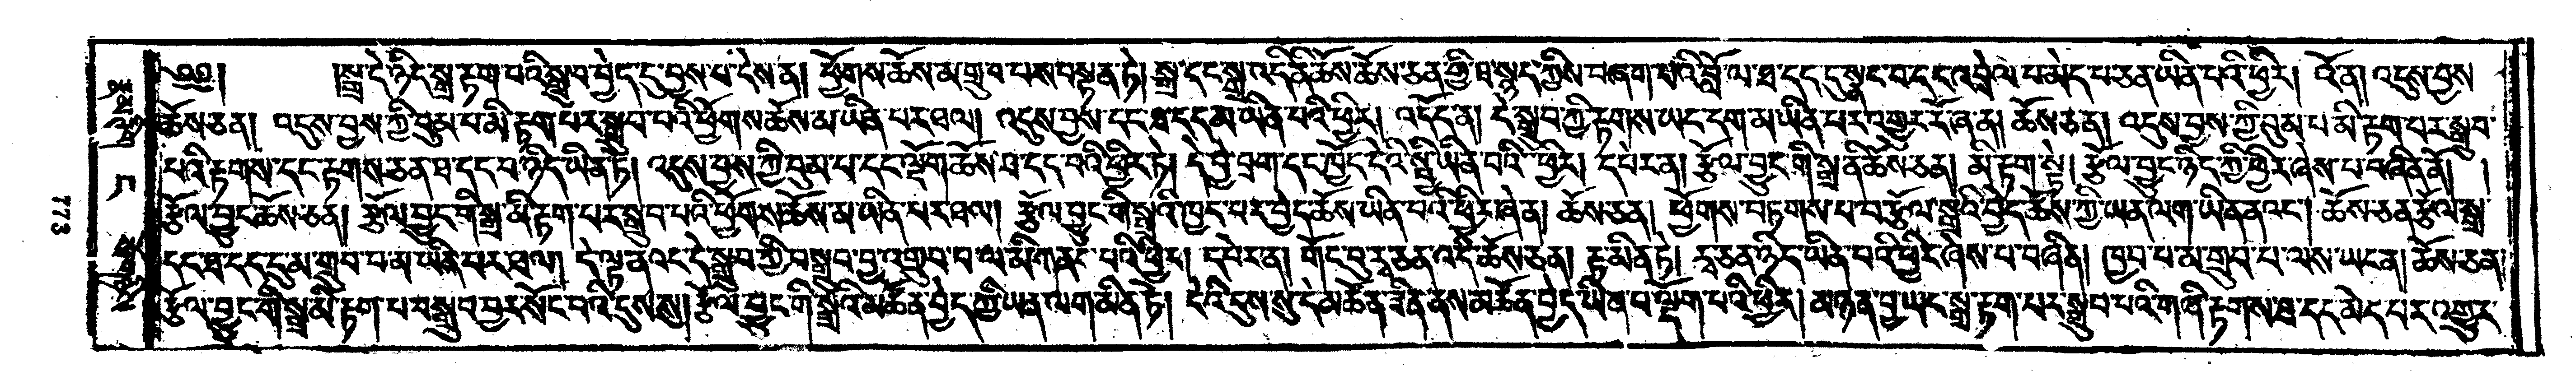༄༅། །སྒྲ་དེ་ཉིད་སྒྲ་རྟག་པའི་སྒྲུབ་བྱེད་དུ་བྱས་པ་དེས་ན། ཕྱོགས་ཆོས་མ་གྲུབ་པས་བསྟན་ཏེ། སྒྲ་དང་སྒྲ་འདི་ནི་ཆོས་ཆོས་ཅན་གྱི་ཐ་སྙད་ཀྱིས་བཞག་པའི་བློ་ལ་ཐ་དད་དུ་སྣང་བ་དང་འབྲེལ་པ་མེད་པ་ཅན་ཡིན་པའི་ཕྱིར། འོ་ན། འདུས་བྱས་
ཆོས་ཅན། འདུས་བྱས་ཀྱི་བུམ་པ་མི་རྟག་པར་སྒྲུབ་པའི་ཕྱོགས་ཆོས་མ་ཡིན་པར་ཐལ། འདུས་བྱས་དང་ཐ་དད་མ་ཡིན་པའི་ཕྱིར། འདོད་ན། དེ་སྒྲུབ་ཀྱི་རྟགས་ཡང་དག་མ་ཡིན་པར་འགྱུར་རོ་ཞེ་ན། ཆོས་ཅན། འདུས་བྱས་ཀྱི་བུམ་པ་མི་རྟག་པར་སྒྲུབ་
པའི་རྟགས་དང་རྟགས་ཅན་ཐ་དད་པ་ཉིད་ཡིན་ཏེ། འདུས་བྱས་ཀྱི་བུམ་པ་དང་ལྡོག་ཆོས་ཐ་དད་པའི་ཕྱིར་ཏེ། དེ་བྱེ་བྲག་དང་ཁྱོད་དེའི་སྤྱི་ཡིན་པའི་ཕྱིར། དཔེར་ན། རྩོལ་བྱུང་གི་སྒྲ་ནི་ཆོས་ཅན། མི་རྟག་སྟེ། རྩོལ་བྱུང་ཉིད་ཀྱི་ཕྱིར་ཞེས་པ་བཞིན་ནོ། །
རྩོལ་བྱུང་ཆོས་ཅན། རྩོལ་བྱུང་གི་སྒྲ་མི་རྟག་པར་སྒྲུབ་པའི་ཕྱོགས་ཆོས་མ་ཡིན་པར་ཐལ། རྩོལ་བྱུང་གི་སྒྲའི་ཁྱད་པར་བྱེད་ཆོས་ཡིན་པའི་ཕྱིར་ཞེ་ན། ཆོས་ཅན། ཕྱོགས་བརྟགས་པ་བརྩོལ་སྒྲའི་བྱེད་ཆོས་ཀྱི་ཡན་ལག་ཡིན་ནའང་། ཆོས་ཅན་རྩོལ་སྒྲ་
དང་ཐ་དད་དུ་མ་གྲུབ་པ་མ་ཡིན་པར་ཐལ། དེ་ལྟ་ནའང་དེ་སྒྲུབ་ཀྱི་བསྒྲུབ་བྱ་འགྲུབ་པ་ལ་མི་གནང་པའི་ཕྱིར། དཔེར་ན། གོང་བུ་རྭ་ཅན་འདི་ཆོས་ཅན། རྟ་མིན་ཏེ། རྭ་ཅན་ཉིད་ཡིན་པའི་ཕྱིར་ཞེས་པ་བཞིན། ཁྱབ་པ་མ་གྲུབ་པ་ལས་ཡང་ན། ཆོས་ཅན།
རྩོལ་བྱུང་གི་སྒྲ་མི་རྟག་པ་བསྒྲུབ་བྱར་སོང་བའི་དུས་སུ། རྩོལ་བྱུང་གི་སྒྲའི་མཚོན་བྱེད་ཀྱི་ཡན་ལག་མིན་ཏེ། དེའི་དུས་སུ་དེ་མཚོན་ཟིན་ནས་མཚོན་བྱེད་ཡིན་པ་ལྡོག་པའི་ཕྱིར། མཉན་བྱ་ཡང་སྒྲ་རྟག་པར་སྒྲུབ་པའི་གཞི་རྟགས་ཐ་དད་མེད་པར་འགྱུར་